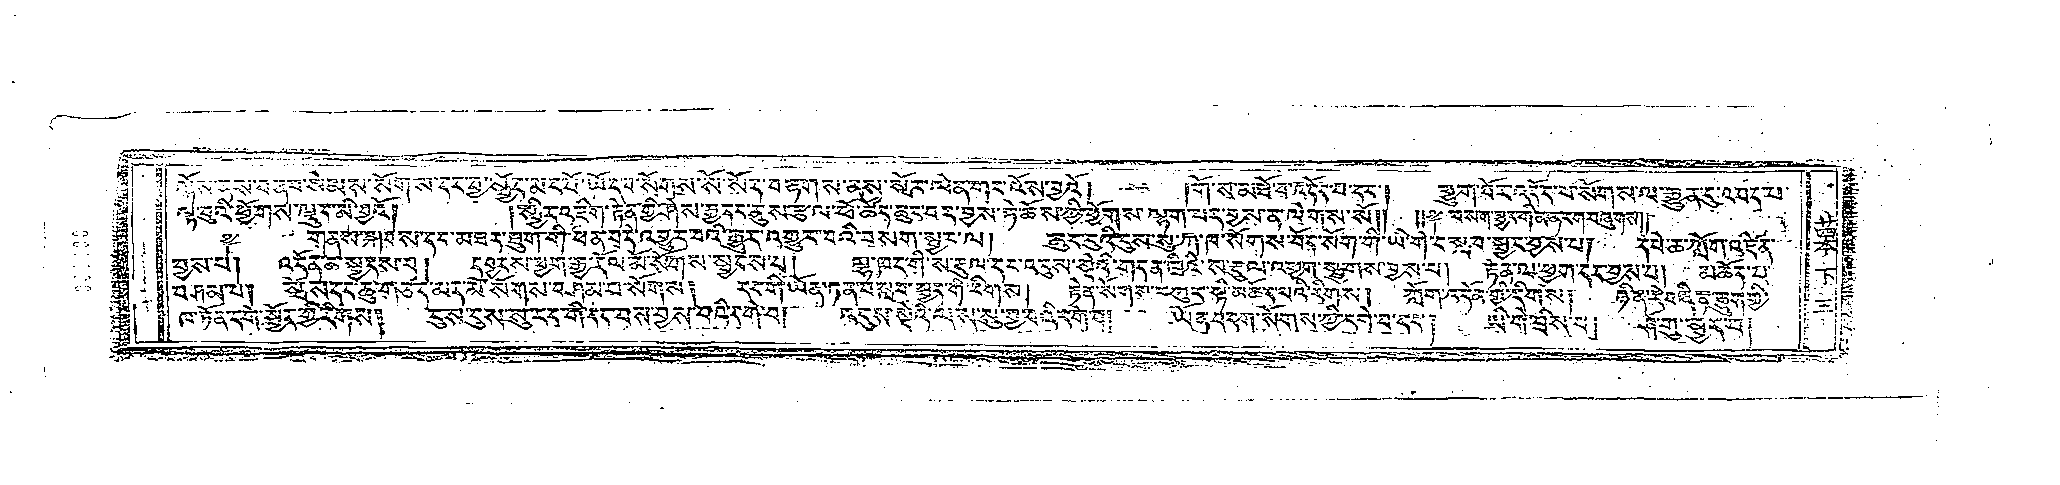ལྟོས་ནས་བརྣབ་སེམས་སོགས་དང་བྱ་སྤྱོད་མང་པོ་ཡོད་པ་སོགས་སོ་སོར་བརྟོགས་ནས་སྤོང་ལེན་གང་འོས་བྱའོ། །གོས་མཐོབ་འདོད་པ་དང་། ཕྱུག་པོར་འདོད་པ་སོགས་ལ་རྒྱུན་དུ་འབད་པ་
ལྟ་བུའི་ཕྱོགས་ལྡུང་མི་བྱའོ། །སྤྱིར་འཇིག་རྟེན་གྱི་ཤེས་རྒྱ་དང་ནུས་རྩལ་ཕོ་ཚོད་ཆུང་བར་བྱས་ཏེ་ཆོས་ཀྱི་ཕྱོགས་ལྷག་པར་བྱས་ན་ལེགས་སོ།། །།༈ བསག་སྤྱང་གི་མན་ངག་བཞུགས།།
༈ གནས་སྐབས་དང་མཐར་ཐུག་གི་ཕན་བདེ་འབྱུང་བའི་རྒྱུར་འགྱུར་བའི་བསག་སྤྱང་ལ། ནུང་དུའི་དུས་སུ་ཀ་བ་སོགས་བོད་སོག་གི་ཡི་གེར་སླབ་སྦྱང་བྱས་པ། དཔེ་ཆ་ཀློག་འཛིན་
བྱས་པ། འདོན་ཆ་སྦྱངས་པ། དབྱངས་ཕྱག་རྒྱ་རོལ་མོ་སོགས་སྦྱངས་པ། ལྷ་ཁང་གིས་རྡུལ་དང་འདུས་སྡེའི་གདན་ཁྲིའི་ས་རྡུལ་འཕྱག་སྤུགས་བྱས་པ། རྟེན་ལ་ཕྱག་དར་བྱས་པ། མཆོད་པ་
བཤམ་པ། སྤོས་དང་ཆུ་གཙང་མར་མེ་སོགས་བཤམ་པ་སོགས། རང་གི་ཡོན་ཏན་བསླབ་སྦྱང་གི་རིགས། རྟེན་སོགས་བཀུར་སྟི་མཆོད་པའི་རིགས། ཀློག་འདོན་གྱི་རིགས། ཉིན་དེ་བཞིན་རྒྱུགས་གྱི་
ཁ་ཏོག་དགེ་སྤྱོད་ཀྱི་རིགས། དུས་དུས་སུ་རང་གི་དང་པས་བྱས་པའི་དགེ་པ། འདུས་སྔེའི་ལས་སུ་བྱ་བའི་དགེ་བ། ཡོན་བདག་སོགས་ཀྱི་དགེ་བ་དང་། ཡི་གེ་བྲིས་བ། ཤོ་གུ་སྦྱར་བ།